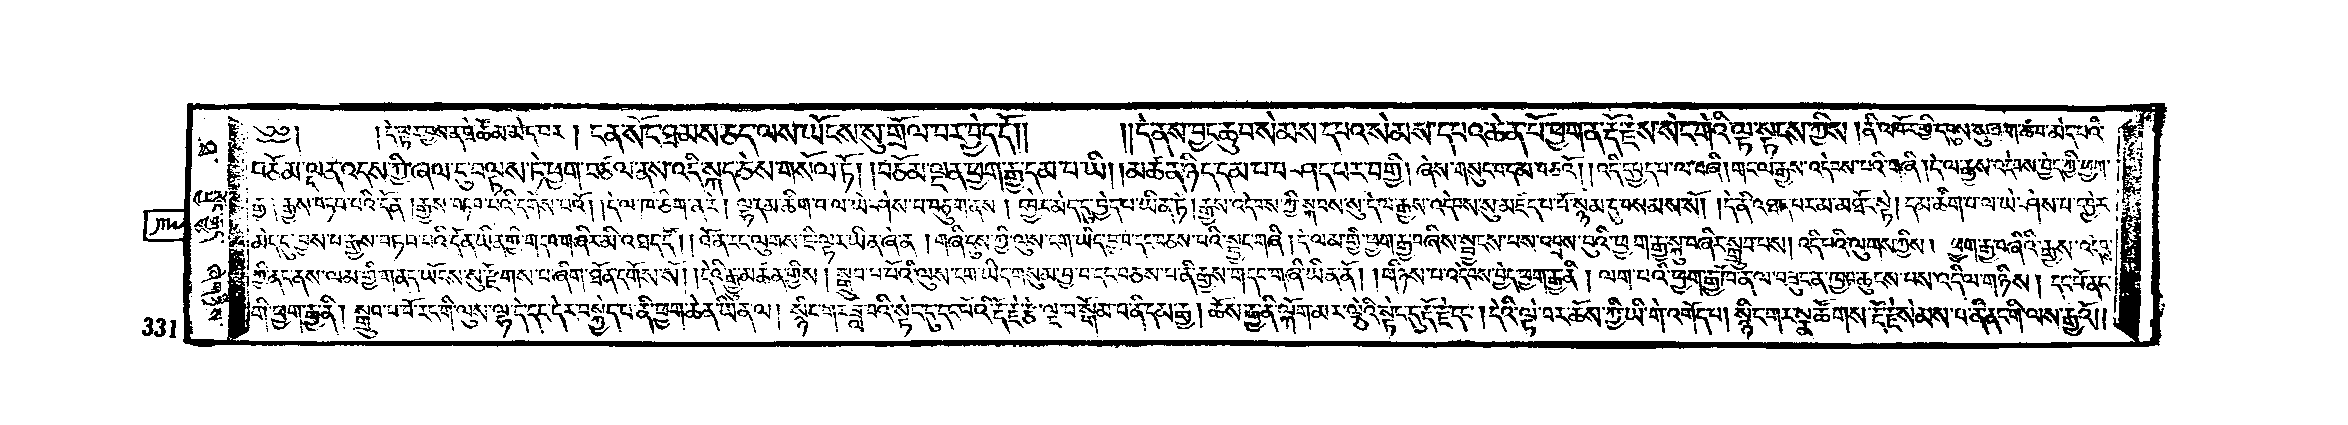༄༅། །དེ་ལྟར་བྱས་ན་ཐེ་ཚོམ་མེད་པར། ངན་སོང་ཐམས་ཅད་ལས་ཡོངས་སུ་གྲོལ་བར་བྱེད་དོ།། །།དེ་ནས་བྱང་ཆུབ་སེམས་དཔའ་སེམས་དཔའ་ཆེན་པོ་ཕྱག་ན་རྡོ་རྗེས་སེང་གེའི་ལྟ་སྟངས་ཀྱིས་།ནི་འཁོར་གྱི་དབུས་སུ་བག་ཚ་བ་མེད་པའི
བཅོམ་ལྡན་འདས་ཀྱི་ཞལ་དུ་བལྟས་ཏེ་ཕྱག་བཙལ་ནས་འདི་སྐད་ཅེས་གསོལ་ཏོ། །བཅོམ་ལྡན་ཕྱག་རྒྱ་དམ་པ་ཡི། །མཚན་ཉིད་དམ་པ་བཤད་པར་བགྱི། ཞེས་གསུང་བ་དམ་བཅའོ། །འདི་དཔྱད་པ་ལ་བཞི། གང་ལ་རྒྱས་འདེབས་པའི་གཞི། དེ་ལ་རྒྱས་འདེབས་བྱེད་ཀྱི་ཕྱག་
རྒྱ། རྒྱས་བཏབ་པའི་དོན། རྒྱས་བཏབ་པའི་དགོས་པའོ། །དེ་ལ་ཁ་ཅིག་ན་རེ། ལྷ་དམ་ཚིག་པ་ལ་ཡེ་ཤེས་པ་བཅུག་ནས། དབྱེར་མེད་དུ་བྱེད་པ་ཡིན་ཏེ། རྒྱས་འདེབས་ཀྱི་སྐབས་སུ་དེ་ལ་རྒྱས་འདེབས་སུ་མཛད་པ་པོ་སྙམ་དུ་བསམས་སོ། །དེ་ནི་འཐད་པར་མ་མཐོང་སྟེ། དམ་ཚིག་པ་ལ་ཡེ་ཤེས་པ་དབྱེར་
མེད་དུ་བྱས་པ་རྒྱས་བཏབ་པའི་དོན་ཡིན་གྱི་གདབ་གཞིར་མི་འཐད་དོ། །འོ་ན་རང་ལུགས་ཇི་ལྟར་ཡིན་ཞེ་ན། གཞི་དུས་ཀྱི་ལུས་ངག་ཡིད་བྱ་བ་དང་བཅས་པའི་སྦྱང་གཞི། དེ་ལམ་གྱི་ཕྱག་རྒྱ་བཞིས་སྦྱངས་པས་འབྲས་བུའི་ཕྱག་རྒྱ་སྐུ་བཞིར་སྒྲུབ་པས། འདི་པའི་ལུགས་ཀྱིས། ཕྱག་རྒྱ་བཞིའི་རྒྱས་འདེབས་
ཀྱི་ནང་ནས་ལམ་གྱི་གནད་ཡོངས་སུ་རྫོགས་པ་ཞིག་ཐོན་དགོས་སོ། །དེའི་རྒྱུ་མཚན་གྱིས། སྒྲུབ་པ་པོའི་ལུས་ངག་ཡིད་གསུམ་བྱ་བ་དང་བཅས་པ་ནི་རྒྱས་གདབ་གཞི་ཡིན་ནོ། །གཉིས་པ་འདེབས་བྱེད་ཕྱག་རྒྱ་ནི། ལག་པའི་ཕྱག་རྒྱ་ཁོ་ན་ལ་བཟུང་ན་ཁྱབ་ཚུངས་?་པས་འདི་ལ་གཉིས། དང་པོ་ནང་
གི་ཕྱག་རྒྱ་ནི། སྒྲུབ་པ་པོ་རང་གི་ལུས་ལྷ་དེ་དང་དེར་བསྐྱེད་པ་ནི་ཕྱག་ཆེན་ཡིན་ལ། སྙིང་གར་ཟླ་བའི་སྟེང་དུ་དང་པོའི་རྡོ་རྗེ་རྩེ་ལྔ་པ་སྒོམ་པ་ནི་དམ་རྒྱ། ཆོས་རྒྱ་ནི་ལྐོག་མར་ལྕེའི་སྟེང་དུ་རྡོ་རྗེ་དང་། དེའི་ལྟེ་བར་ཆོས་ཀྱི་ཡི་གེ་འགོད་པ། སྙིང་གར་སྣ་ཚོགས་རྡོ་རྗེ་སེམས་པ་ནི་ནང་གི་ལས་རྒྱའོ། །